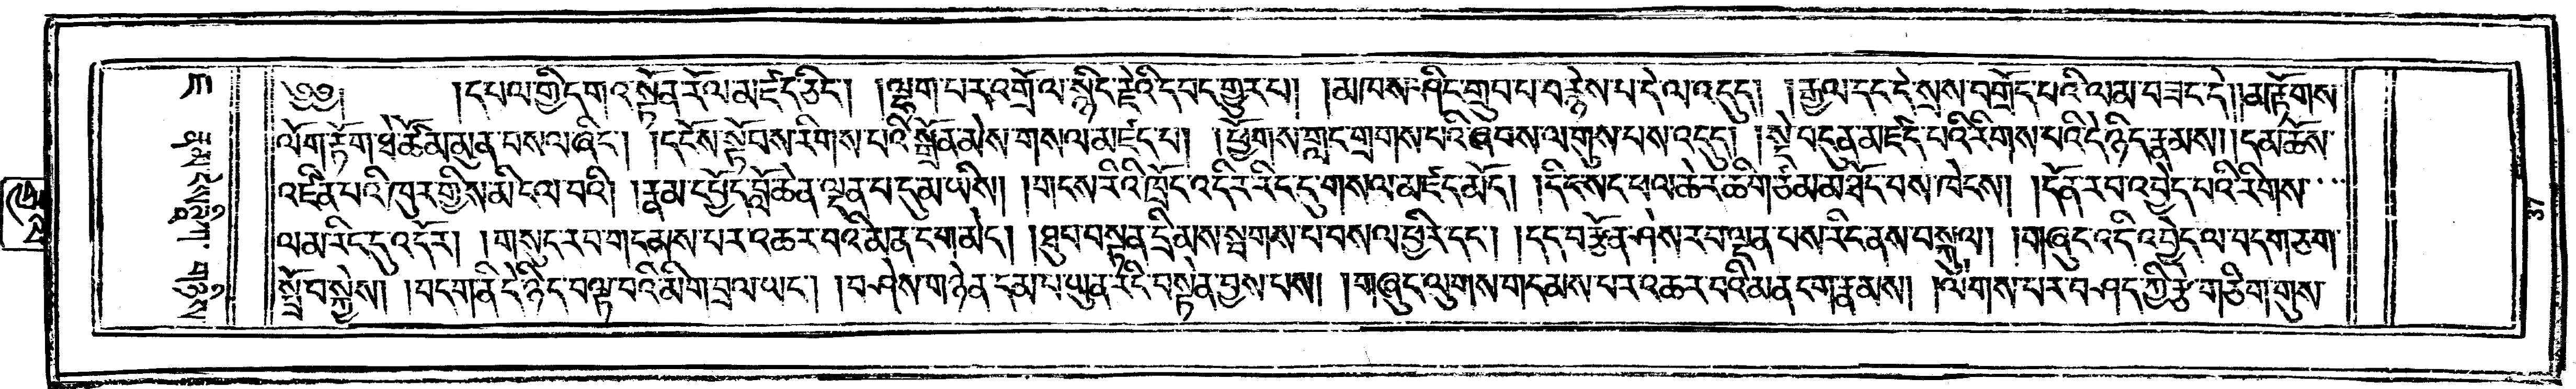༄༅། །དཔལ་གྱི་དགའ་སྟོན་རོལ་མཛད་ཅིང་། །ལྷག་པར་འགྲོ་ལ་སྙིང་རྗེའི་དབང་གྱུར་པ། །མཁས་ཤིང་གྲུབ་པ་བརྙེས་པ་དེ་ལ་འདུད། །རྒྱལ་དང་དེ་སྲས་བགྲོད་པའི་ལམ་བཟང་དེ། །མ་རྟོགས་
ལོག་རྟོག་ཐེ་ཚོམ་མུན་བསལ་ཞིང་། །དངོས་སྟོབས་རིགས་པའི་སྒྲོན་མེས་གསལ་མཛད་པ། །ཕྱོགས་གླང་གྲགས་པའི་ཞབས་ལ་གུས་པའི་འདུད། །སྡེ་བདུན་མཛད་པའི་རིགས་པའི་དེ་ཉིད་རྣམས། །དམ་ཆོས་
འཛིན་པའི་ཁུར་གྱིས་མི་ངལ་བའི། །རྣམ་དཔྱོད་བློ་ཆེན་ལྡན་པ་དུ་མ་ཡིས། །གངས་རིའི་ཁྲོད་འདིར་རིང་དུ་གསལ་མཛད་མོད། །དིང་སང་ཕལ་ཆེར་ཚིག་ཙམ་མཐོང་བས་ཁེངས། །དོན་རབ་འབྱེད་པའི་རིགས་
ལམ་རིང་གུ་འདོར། །གསུང་རབ་གདམས་པར་འཆར་བའི་མན་ངག་མེད། །ཐུབ་བསྟན་དྲི་མས་སྦགས་པ་བསལ་ཕྱིར་དང་། །དད་བརྩོན་ཤེས་རབ་ལྡན་པས་རིང་ནས་བསྐུལ། །གཞུང་འདི་འབྱེད་ལ་བདག་ཅག་
སྤྲོ་བ་སྐྱེས། །བདག་ནི་དེ་ཉིད་བལྟ་བའི་མིག་བྲལ་ཡང་། །བཤེས་གཉེན་དམ་པ་ཡུན་རིང་བསྟེན་བྱས་པས། །གཞུང་ལུགས་གདམས་པར་འཆར་བའི་མན་ངག་རྣམས། །ལེགས་པར་བཤད་ཀྱི་རྩེ་གཅིག་གུས་